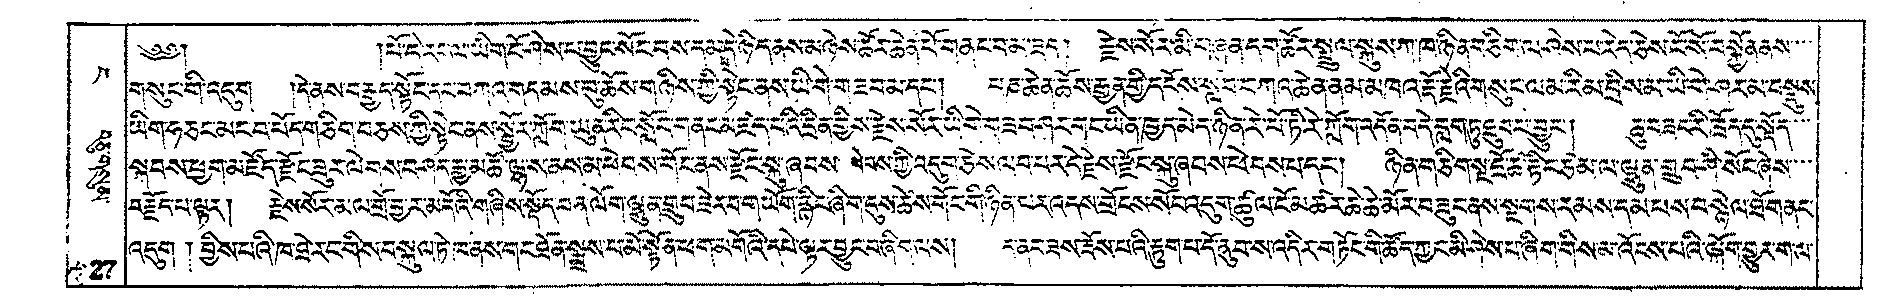༄༅། །པོ་དེ་རང་ལ་ཡིག་ངོ་ཤེས་པ་བྱུང་སོང་བས་དམ་པ་དེ་ཉིད་ནས་མཉེས་ཚོར་ཆེན་པོ་གནང་བ་མ་ཟད། རྗེས་སོར་མི་གཞན་དག་ཚོར་སྤྲུལ་སྐུས་ཀ་ཁ་ཉིན་གཅིག་ལ་ཤེས་པ་རེད་ཅེས་ངོ་སོ་བསྐྱོན་ནས་
གསུང་གི་འདུག །དེ་ནས་བརྒྱད་སྟོང་དང་བཀའ་གདམས་བུ་ཆོས་གཉིས་ཀྱི་སྟེང་ནས་ཡི་གེ་གཟབ་མ་དང་། པཎ་ཆེན་ཆོས་རྒྱན་གྱི་དངོས་སློབ་བཀའ་ཆེན་ནམ་མཁའ་རྡོ་རྗེའི་གསུང་ལམ་རིམ་བྲིས་མ་ཡི་གེ་ཤར་མ་བསྡུས་
ཡིག་ཧ་ཅང་མང་བ་པོད་གཅིག་བཅས་ཀྱི་སྟེང་ནས་སྦྱོར་ཀློག་ཡུན་རིང་སློབ་གནང་མཛད་པའི་དྲིན་གྱིས་རྗེས་སོར་ཡི་གེ་གཟབ་ཤར་གང་ཡིན་ཁྱད་མེད་ཉིན་རེ་པོ་ཏི་རེ་ཀློག་འདོན་བདེ་བླག་ཏུ་ཐུབ་པ་བྱུང་། ཆུ་བཟང་རི་ཁྲོད་དུ་སྡོད་
སྐབས་ཕྱག་མཛོད་རྫོང་ཟུར་ལེགས་བཤད་རྒྱ་མཚོ་ལྷ་ས་ནས་མ་ཕེབས་གོང་ནས་རྫོང་སྐུ་ཞབས་ཕེབས་ཀྱི་འདུག་ཅེས་ལབ་པར་དེ་རྗེས་རྫོང་སྐུ་ཞབས་ཕེབས་པ་དང་། ཉིན་གཅིག་སྔ་དྲོ་ཚ་རྟིང་ཙམ་ལ་ལྷུན་གྲུབ་ཤི་སོང་ཞེས་
བརྗོད་པ་ལྟར། རྗེས་སོར་མལ་གྲོ་བྱ་ར་མདོའི་གཞིས་སྡོད་བན་ལོག་ལྷུན་གྲུབ་ཟེར་བ་གཡོག་རྙིང་ཞིག་དུས་ཚེས་གོང་གི་ཉིན་པར་འདས་གྲོངས་སོང་འདུག་ཚུལ་ངོ་མཚར་ཆེ་ཆེ་མོར་བཟུང་ནས་སྔགས་རམས་དམ་པས་བསྙེལ་ཐོ་གནང་
འདུག །བྱིས་པའི་ཁ་ཐེ་རང་གིས་བསྐུལ་ཏེ་ཁ་ནས་གང་ཐོན་སྨྲས་པ་མོ་སྟོན་ཕག་མགོའི་དཔེ་ལྟར་བྱུང་བ་ཞིག་ལས། ད་ནང་ཟས་ཟོས་པའི་རྟུག་པ་དོ་ནུབ་ས་འདིར་གཏོང་གི་ཚོད་ཀྱང་མི་ཤེས་པ་ཞིག་གིས་མ་འོངས་པའི་ལྐོག་གྱུར་ག་ལ་